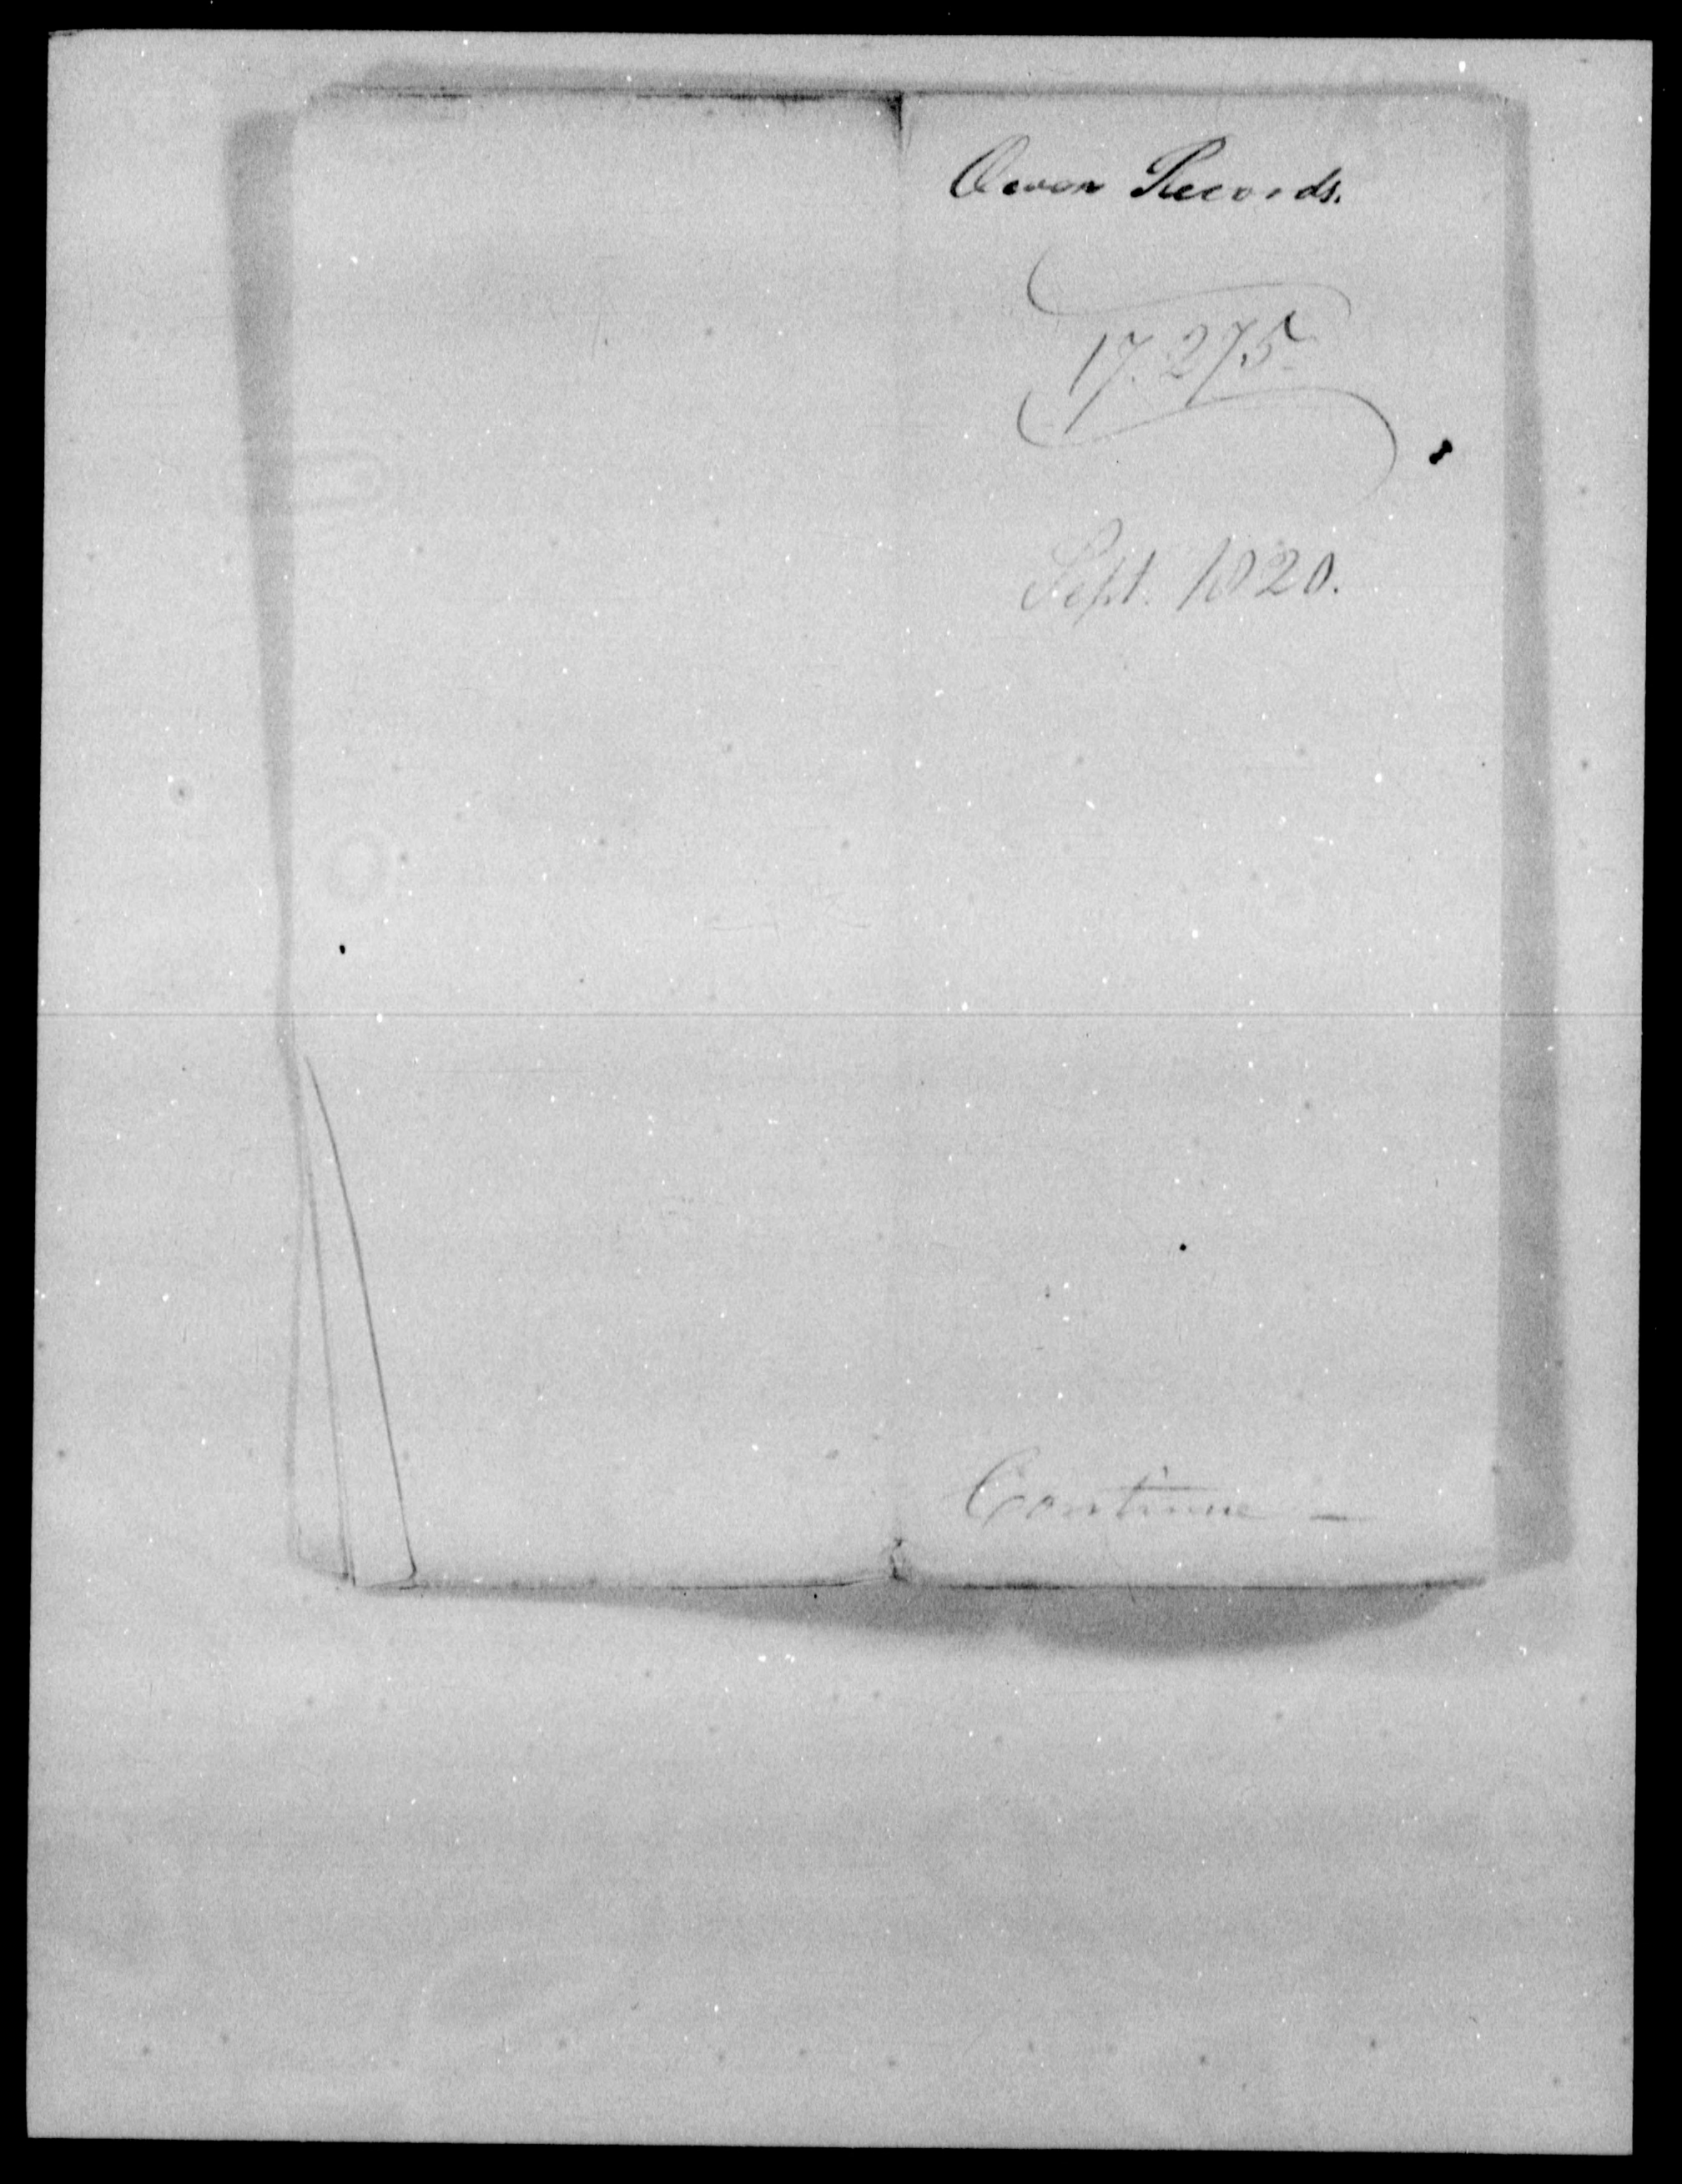Owen Records

17.275


Sept. 1820


Continue--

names: Owen Records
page: 5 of 12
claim: survivor's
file: S. 41977, for Owen Records, Rhode Island